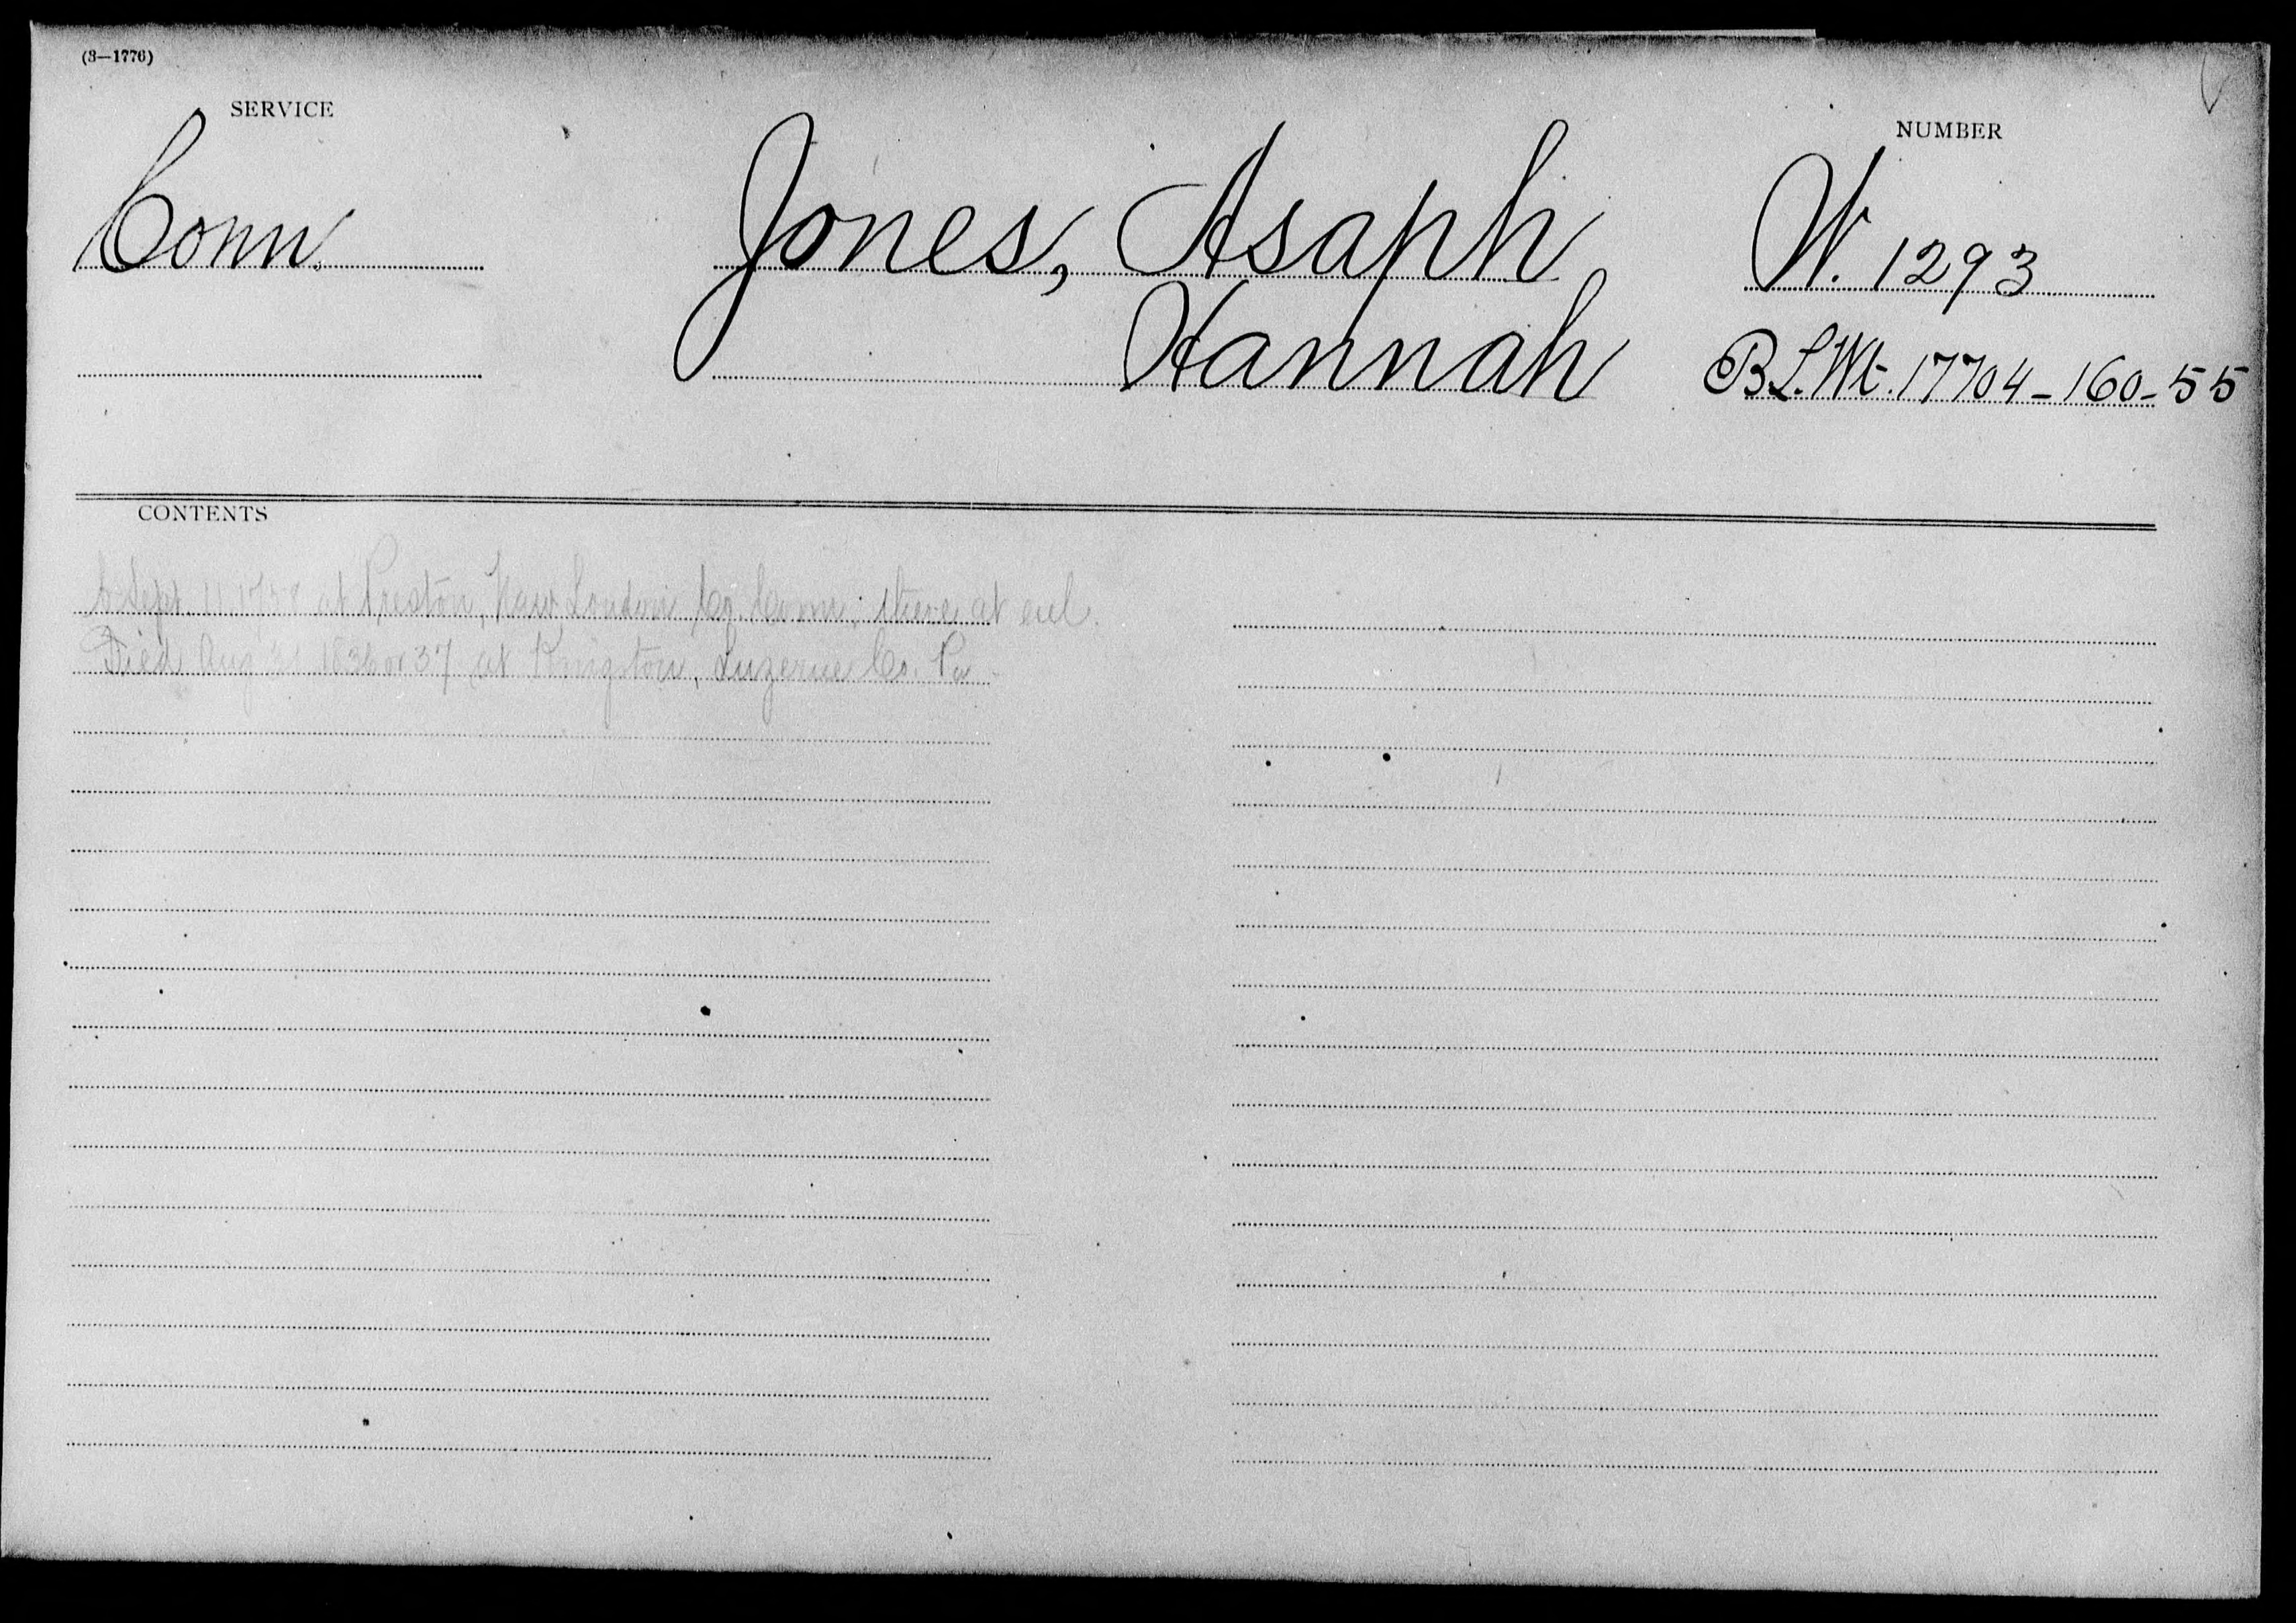(3--1776)

SERVICE
Conn.

Jones, Asaph 
Hannah 

NUMBER
W. 1293
B. L. Wt.  17704-160-55
-----------------------------------------------------
CONTENTS
b Sept 11, 1758 at Preston, New London Co., Conn, there at enl.
Died Aug 31 1836 or 37 at Kingston, Luzerne Co. Pa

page: 1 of 29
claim: widow's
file: W. 1293, for Asaph Jones, Connecticut